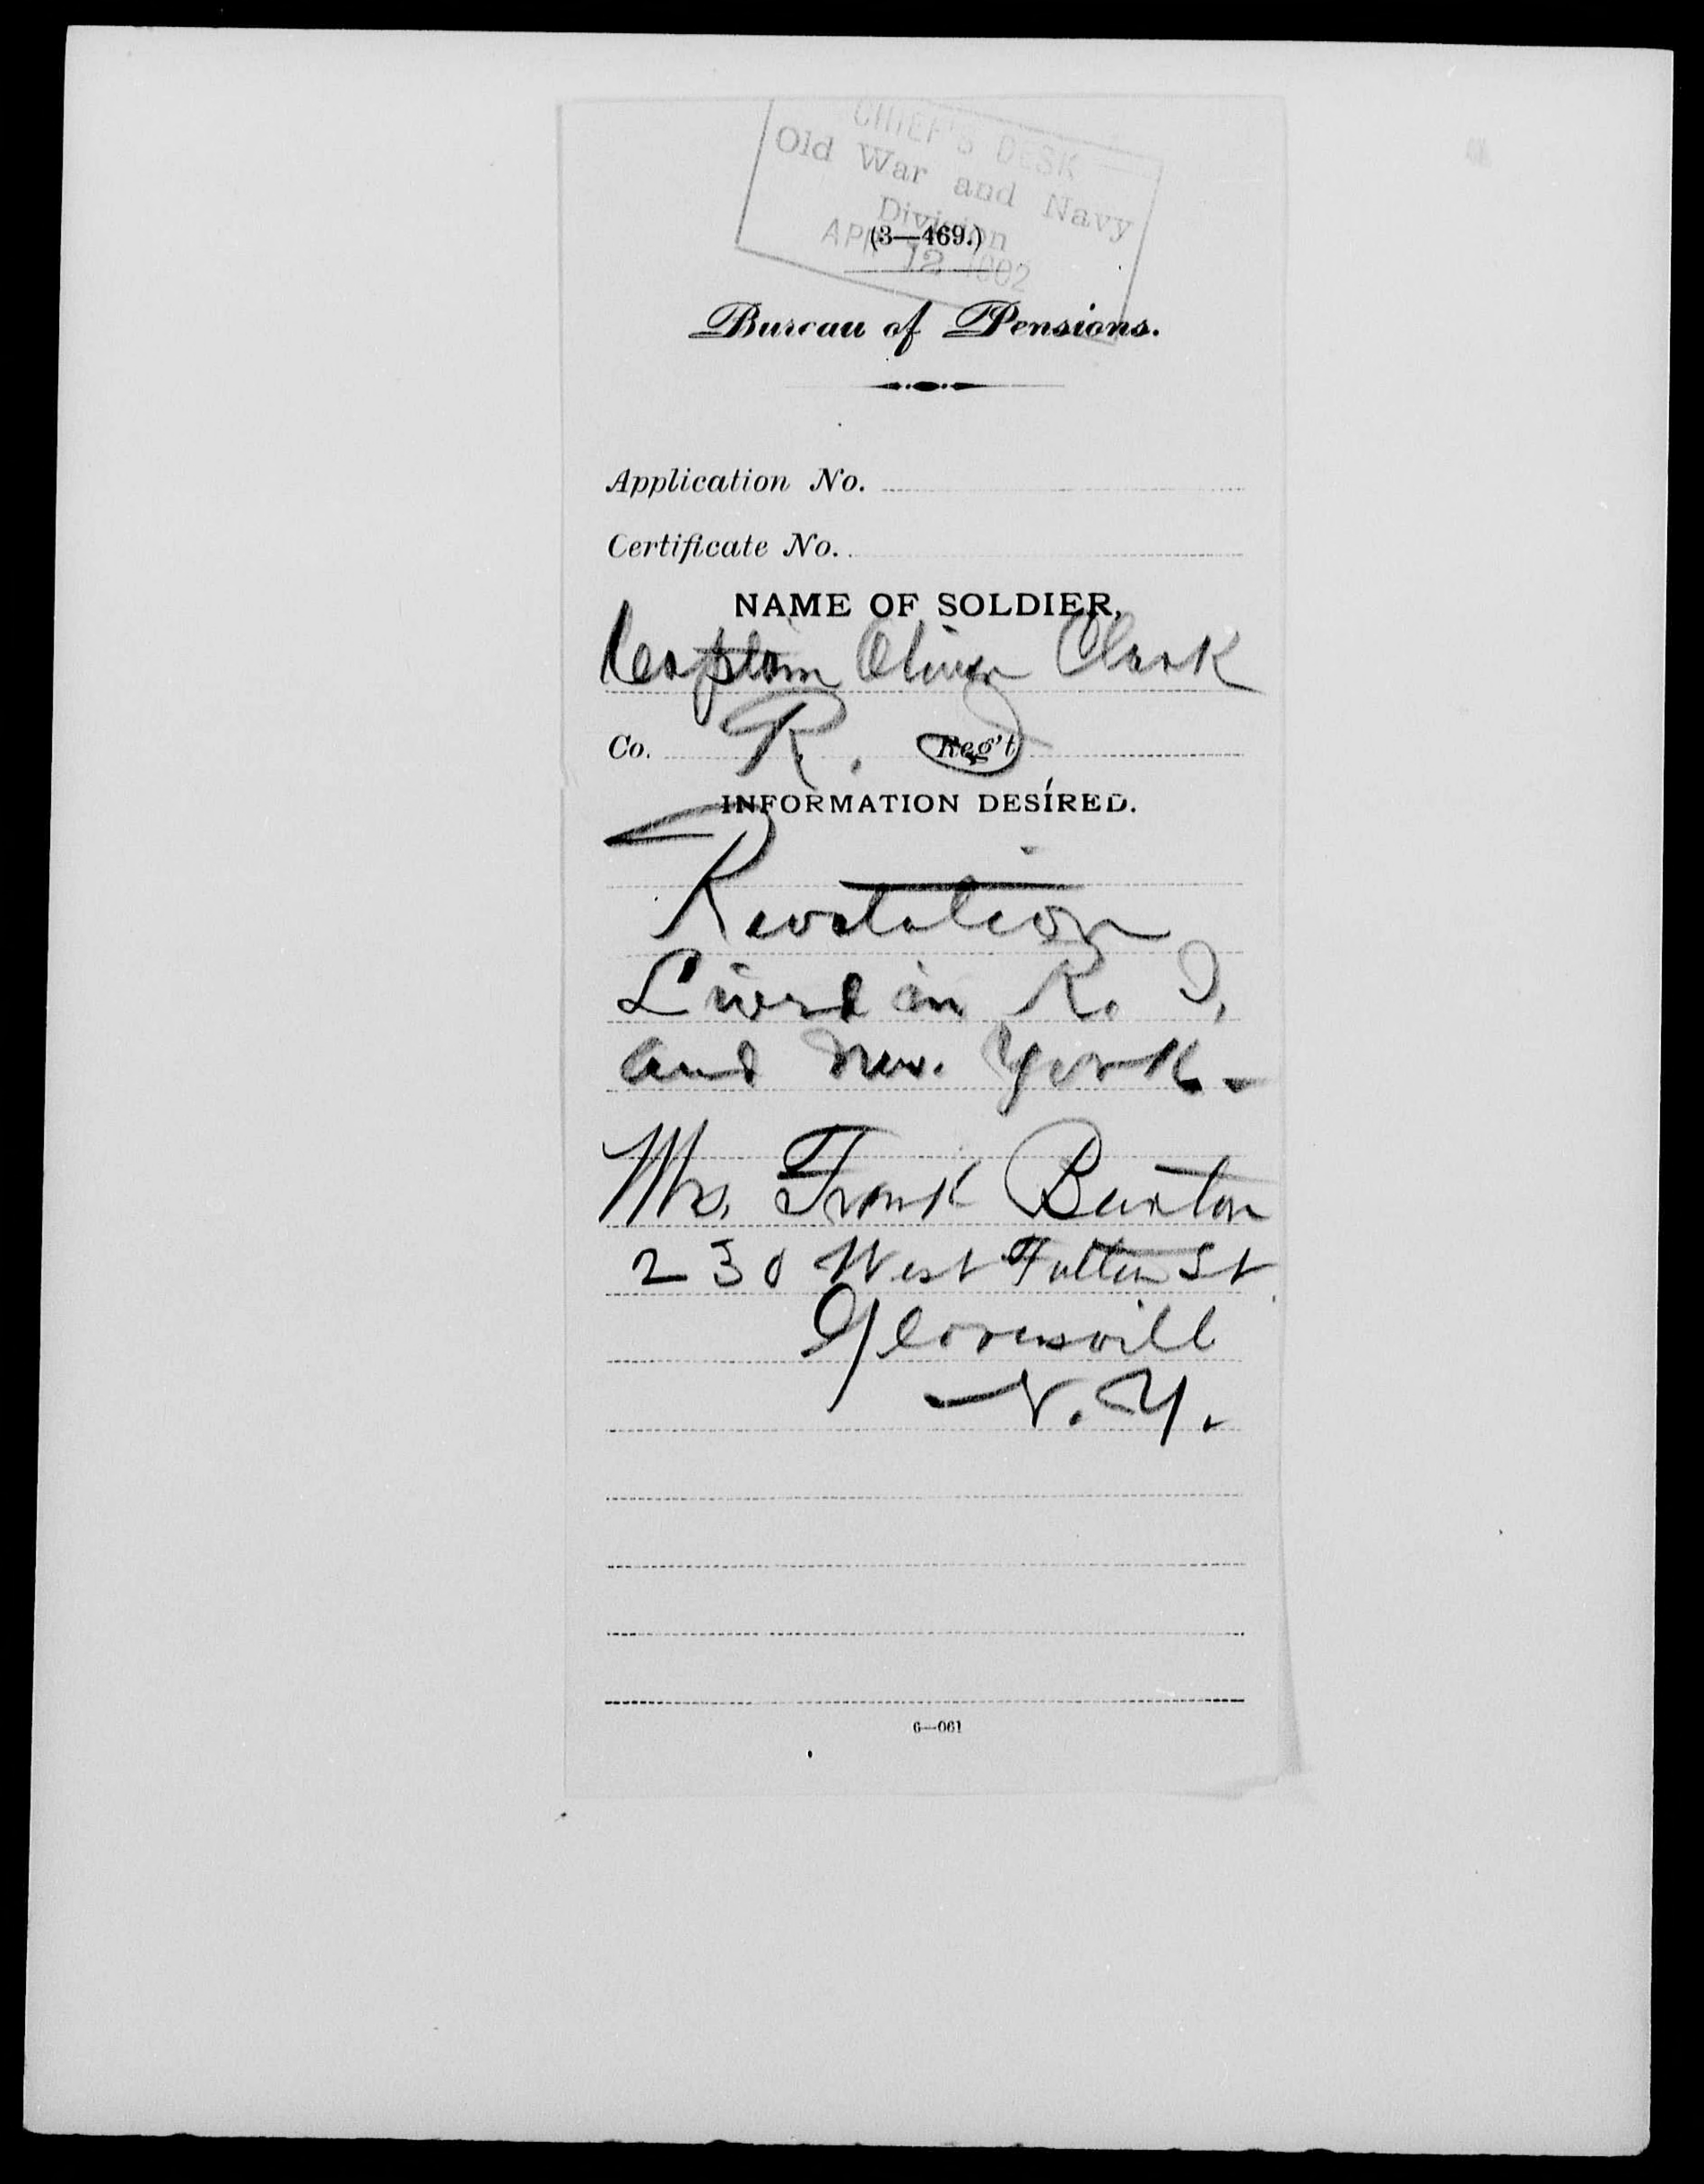[printed form completed in handwriting]
[square stamp at top of page]
Chief’s Desk
Old War and Navy 
Division
Apr 12 1902
[end of stamp]

Bureau of Pensions
Application No. [blank]
Certificate No. [blank]
Name of Soldier
Captain Oliver Clark
Co. R Reg’t [blank]
Information Desired.
Revotation
Lived in R.I. and 
New York
Mrs. Frank Bunton
230 West Fulton St. 
Gloversville
N. Y.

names: Oliver Clark, Frank Bunton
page: 42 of 51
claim: widow's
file: W. 23816, Oliver Clark, Conn.